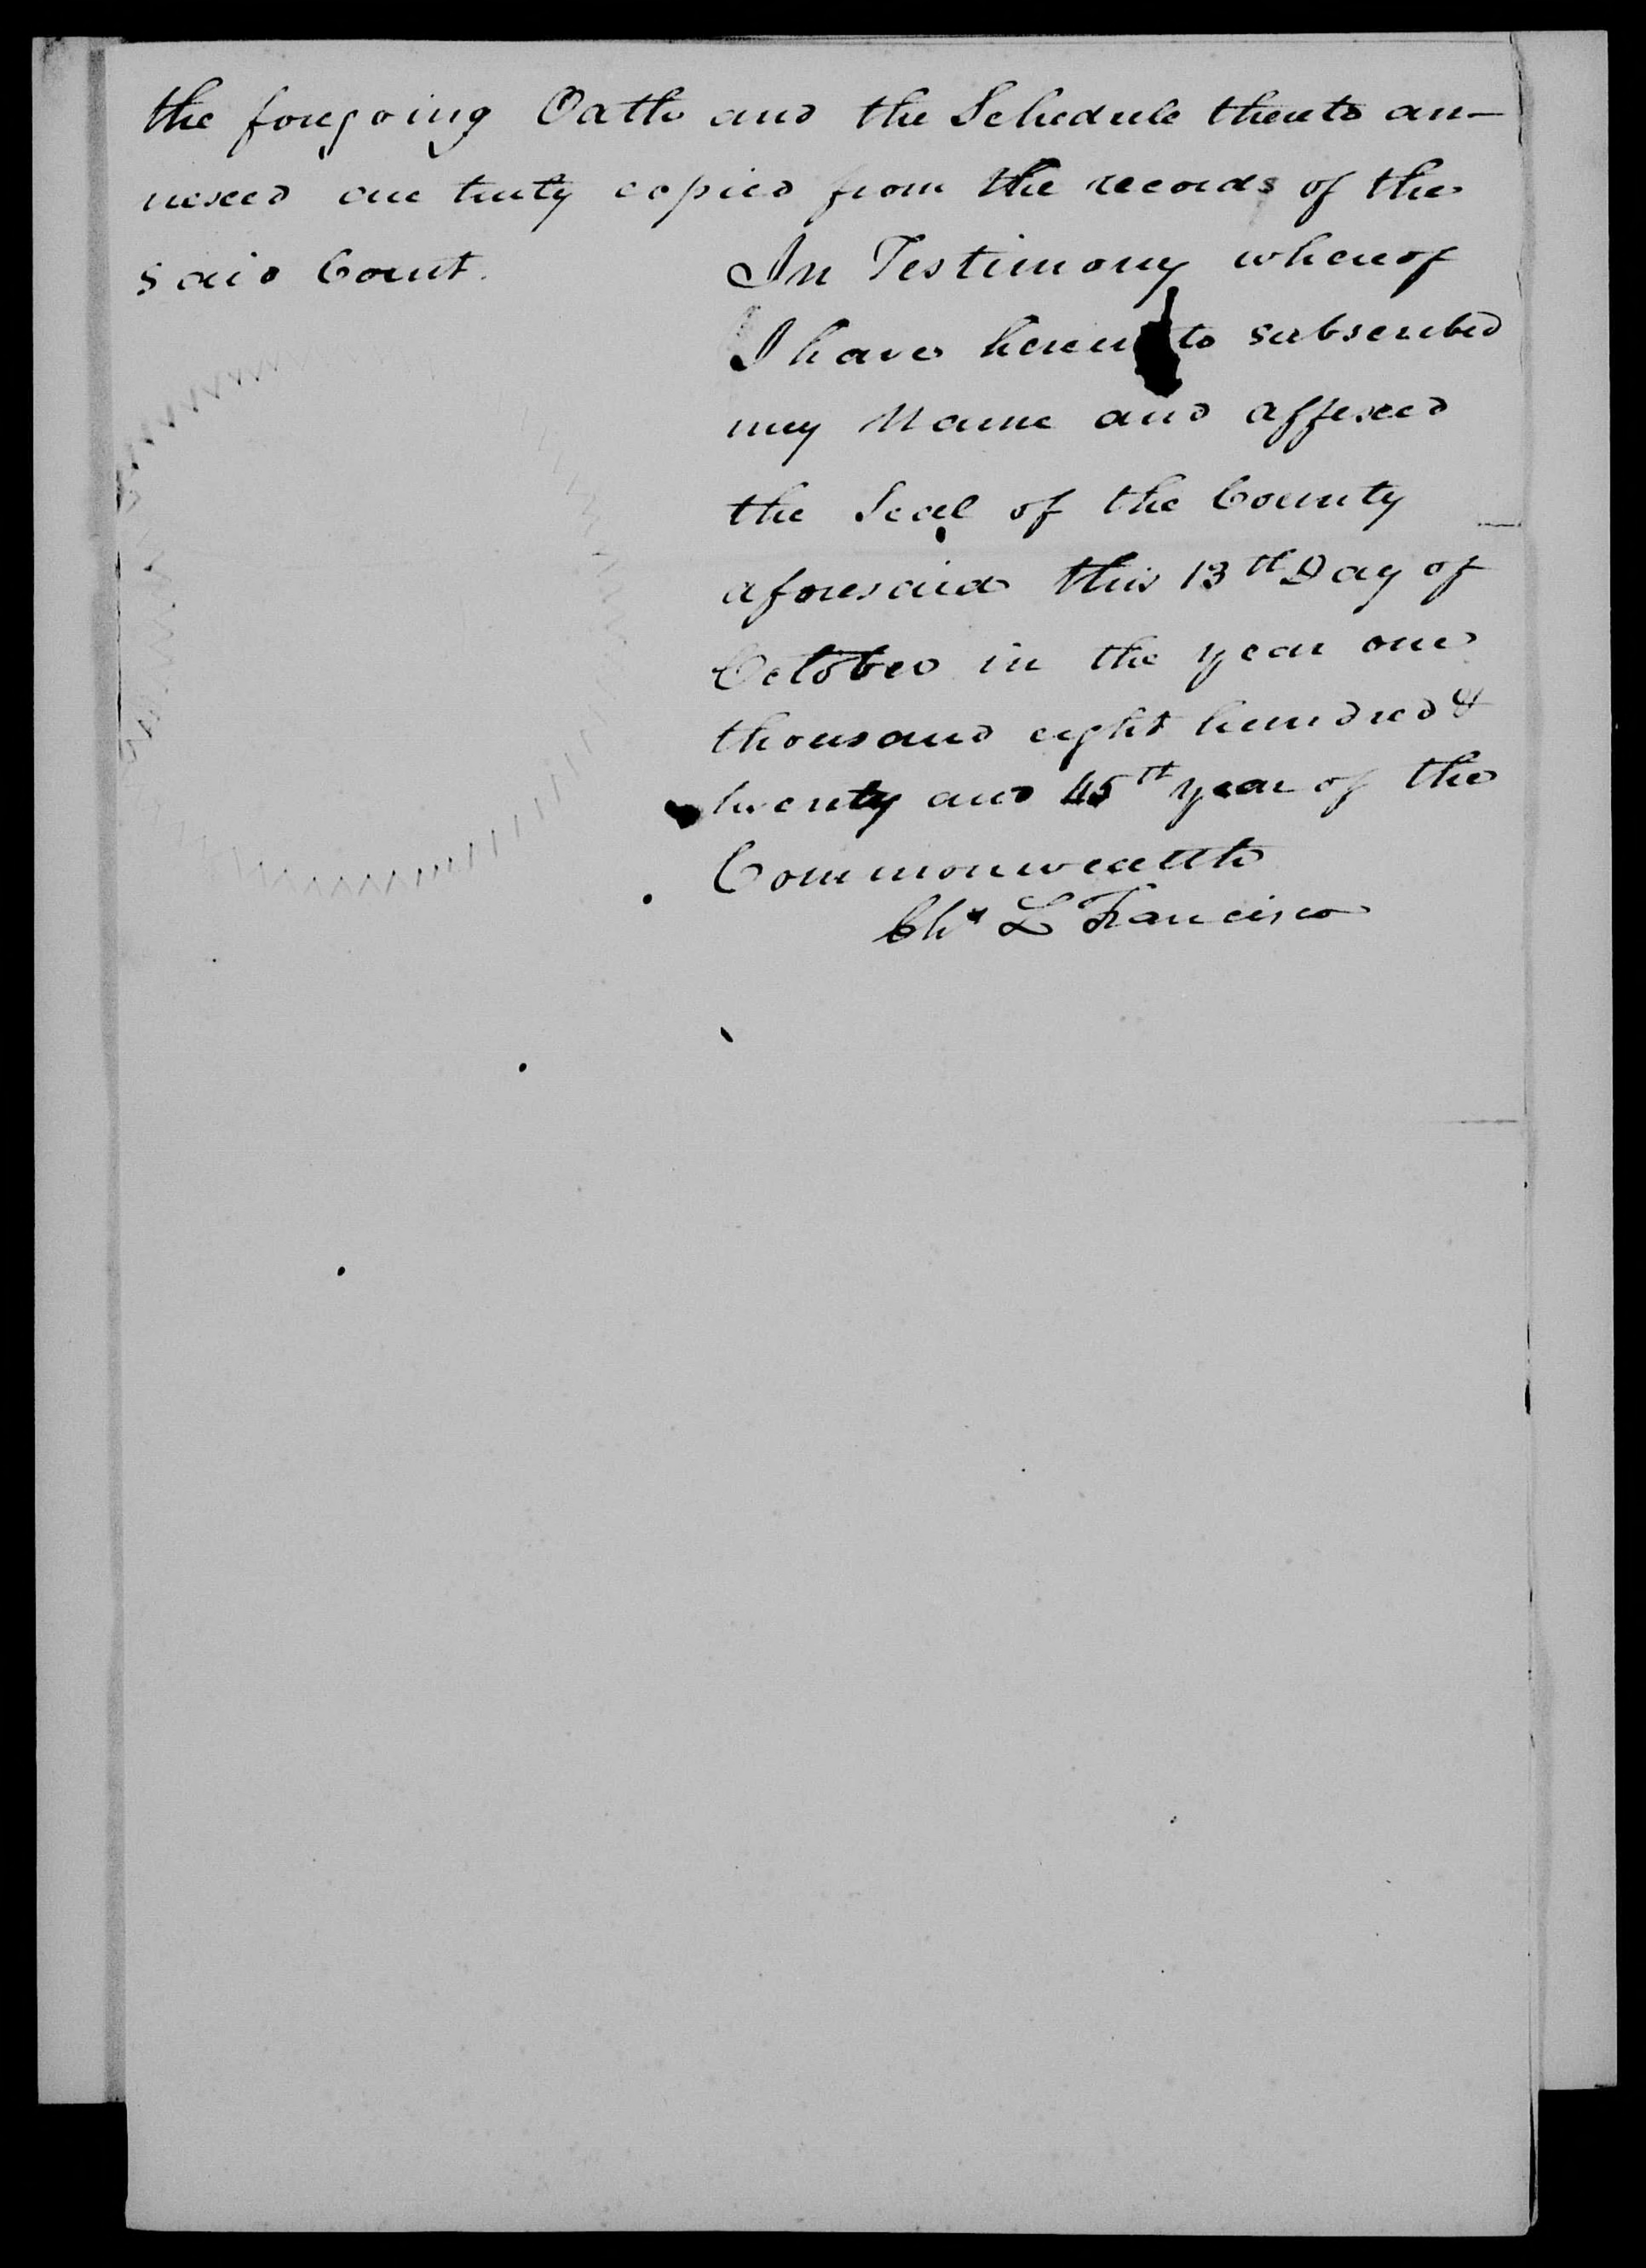the foregoing oath and the schedule thereto answered one truly copied from the records of the said court.
In testimony whereof I have hereunto subscribed my name and affixed the seal of the county aforesaid this 13th day of October in the year one thousand eight hundred & twenty and 45th year of the Commonwealth.
Charles. L. Francis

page: 6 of 21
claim: survivor's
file: S. 41223, for Joseph Sutton, Virginia